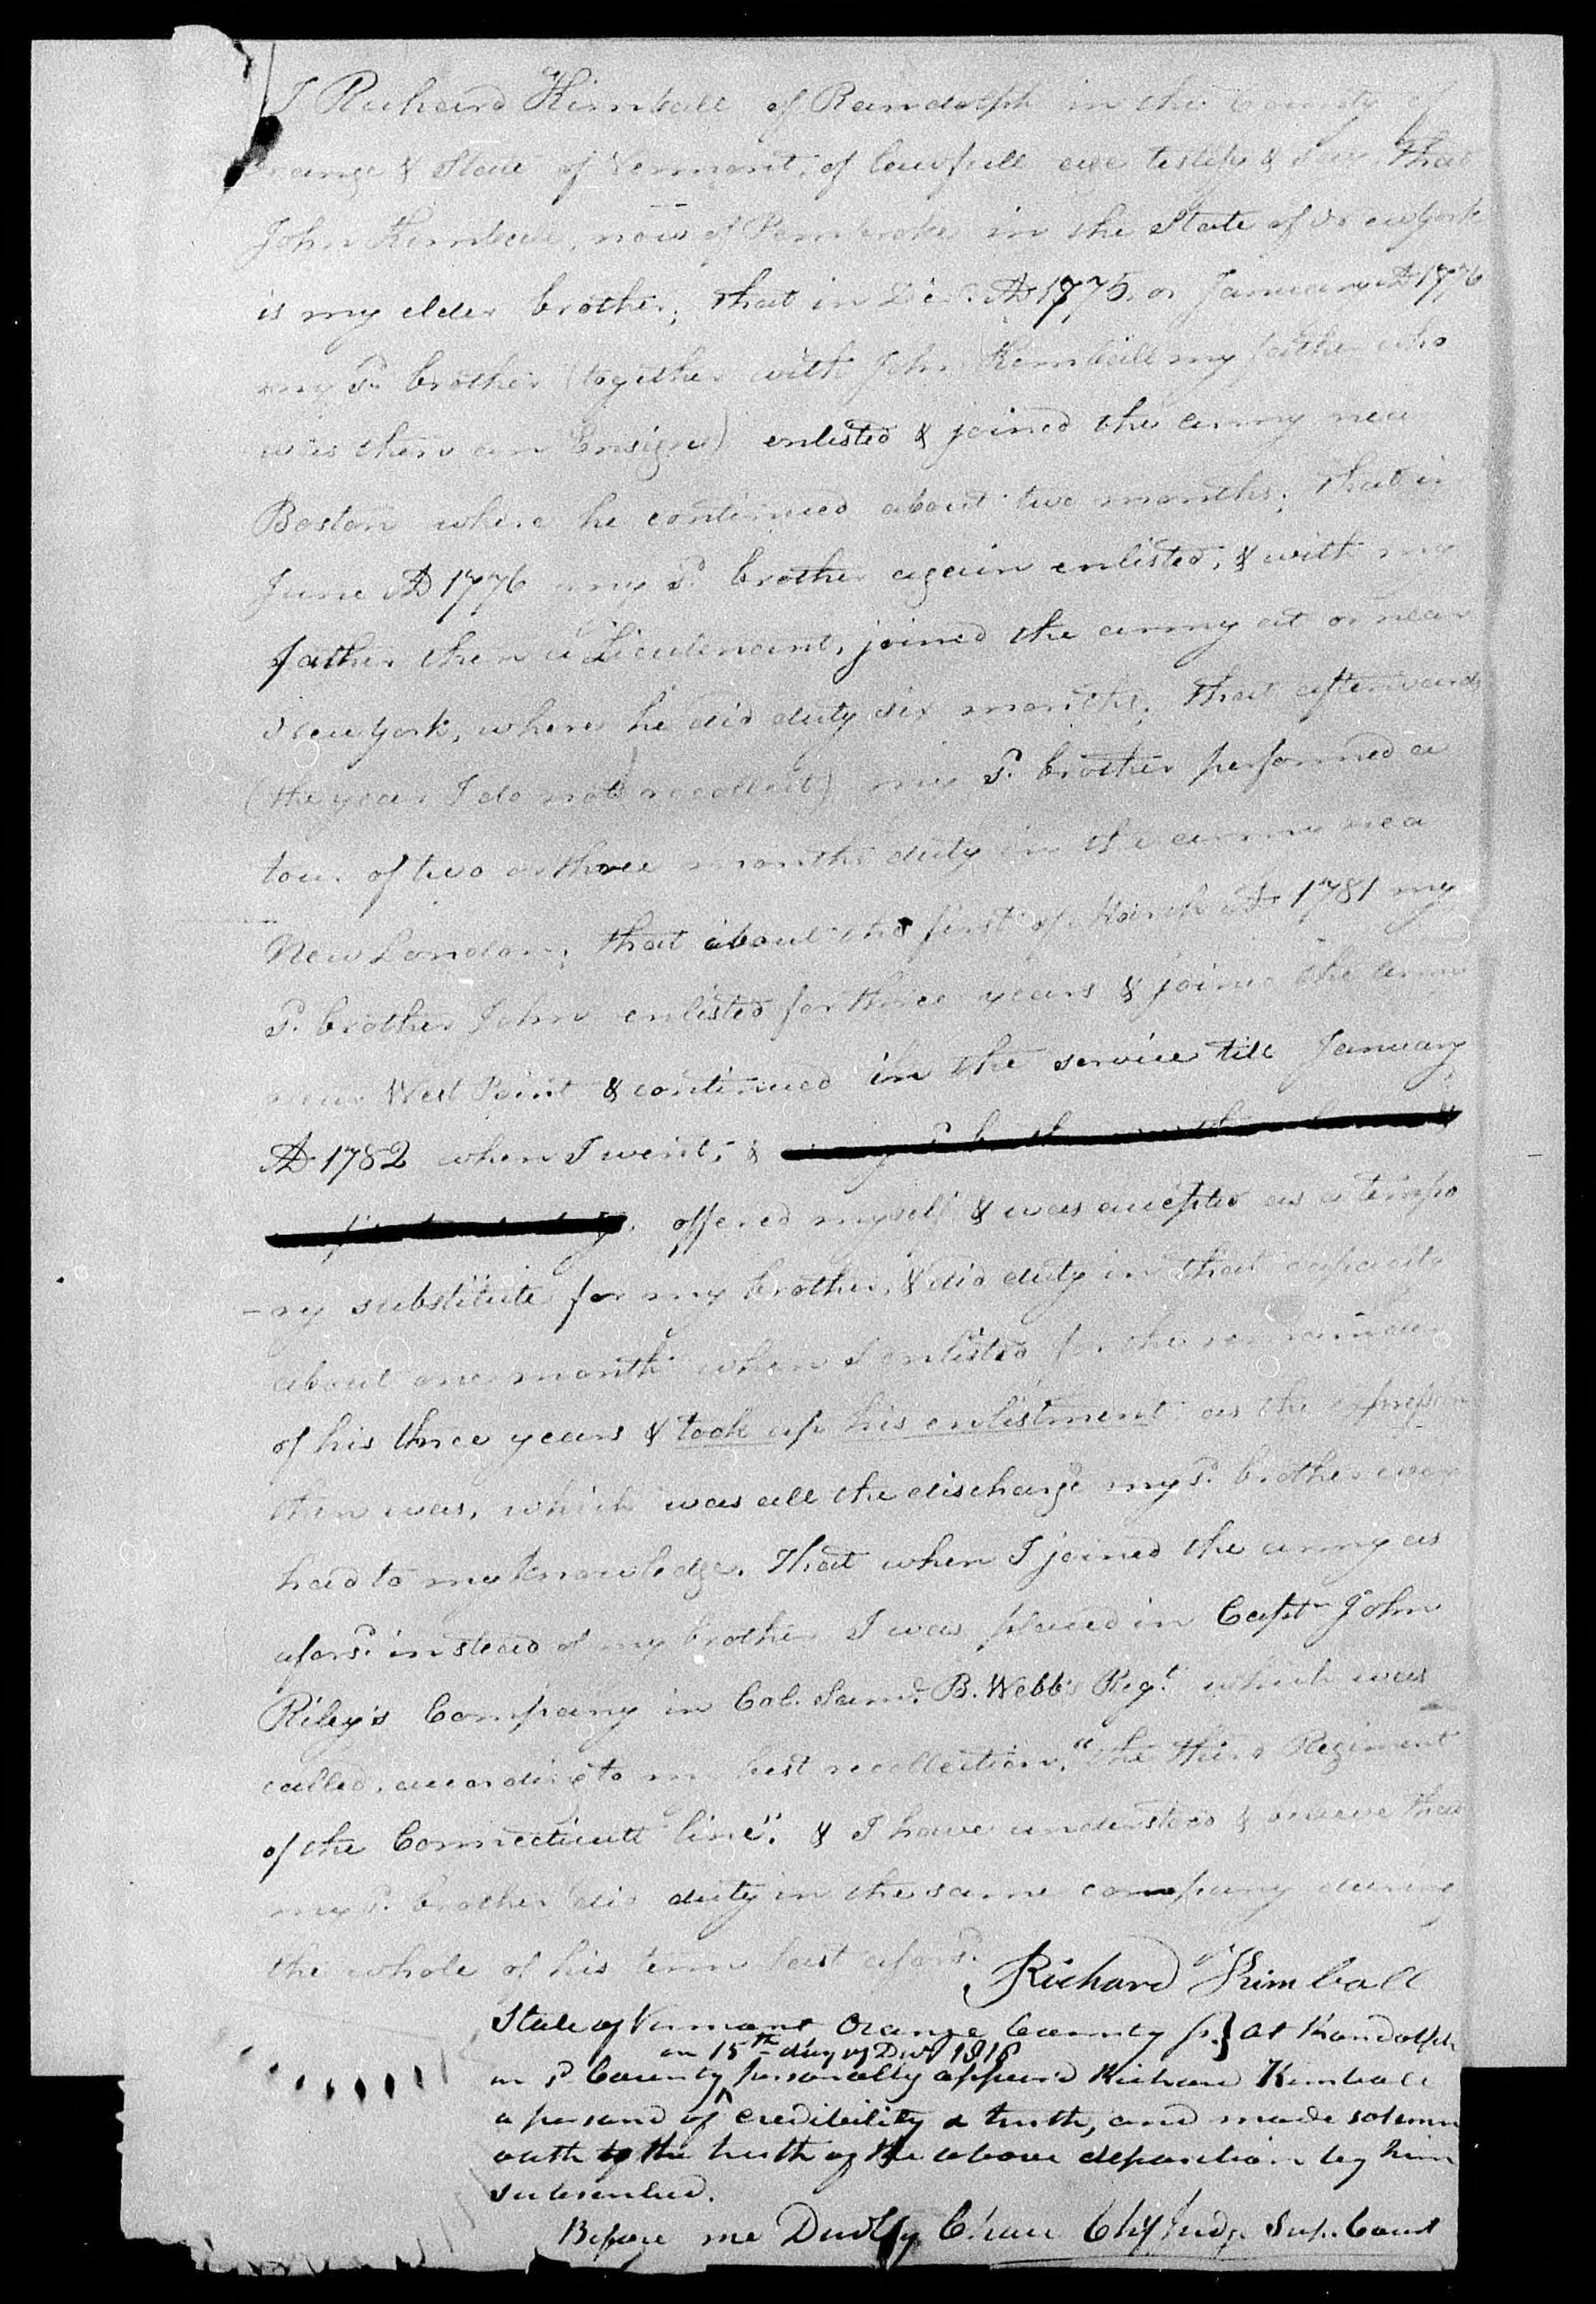I Richard Kimball of Randolph in the County of Orange & State of Vermont, of lawfull age testify & say that John Kimball, now of Pembroke in the State of New York is my elder brother; that in Dec AD 1775 or January AD 1776 my said brother (together with John Kimball my father who was then an Ensign) enlisted & joined the army near Boston where he continued about two months. That in June AD 1776 my said brother again enlisted with my father then Lieutenant, joined the army at or near New York, where he did duty six months; that afterwards (the year I do not recollect) my said brother performed a tour of two or three months duty in the army near New London; that about the first of March 1781 my said brother John enlisted for three years & joined the army near West Point & continued in the service till January AD 1782 when I went & offered myself & was accepted as a temporary substitute for my brother & did duty in the capacity about one month when I enlisted for the remainder of his three years & took up his enlistment as the expression then was, which was all the discharge my said brother ever had to my knowledge. That when I joined the army as aforesaid instead of my brother I was placed in Capt John Riley's Company in Col. Saml B. Webb's Regt. which was called, according to my best recollection, "the third Regiment of the Connecticut line." & I have understood & swear that my said brother did duty in the same company during the whole of his time last aforesaid.
Richard Kimball

[seal affixed at left]
State of Vermont Orange County Ss }  At Randolph in said County on 15th day of Dec 1818 personally appeared Richard Kimball a person of credibility & truth, and made solemn oath to the truth of the above deposition by him subscribed.
Before me Dudley Chase Cty Judge Sup Court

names: John Kimball; Dudley Chace; Richard Kimball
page: 10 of 36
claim: survivor's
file: S. 42,792, for John Kimball, Connecticut